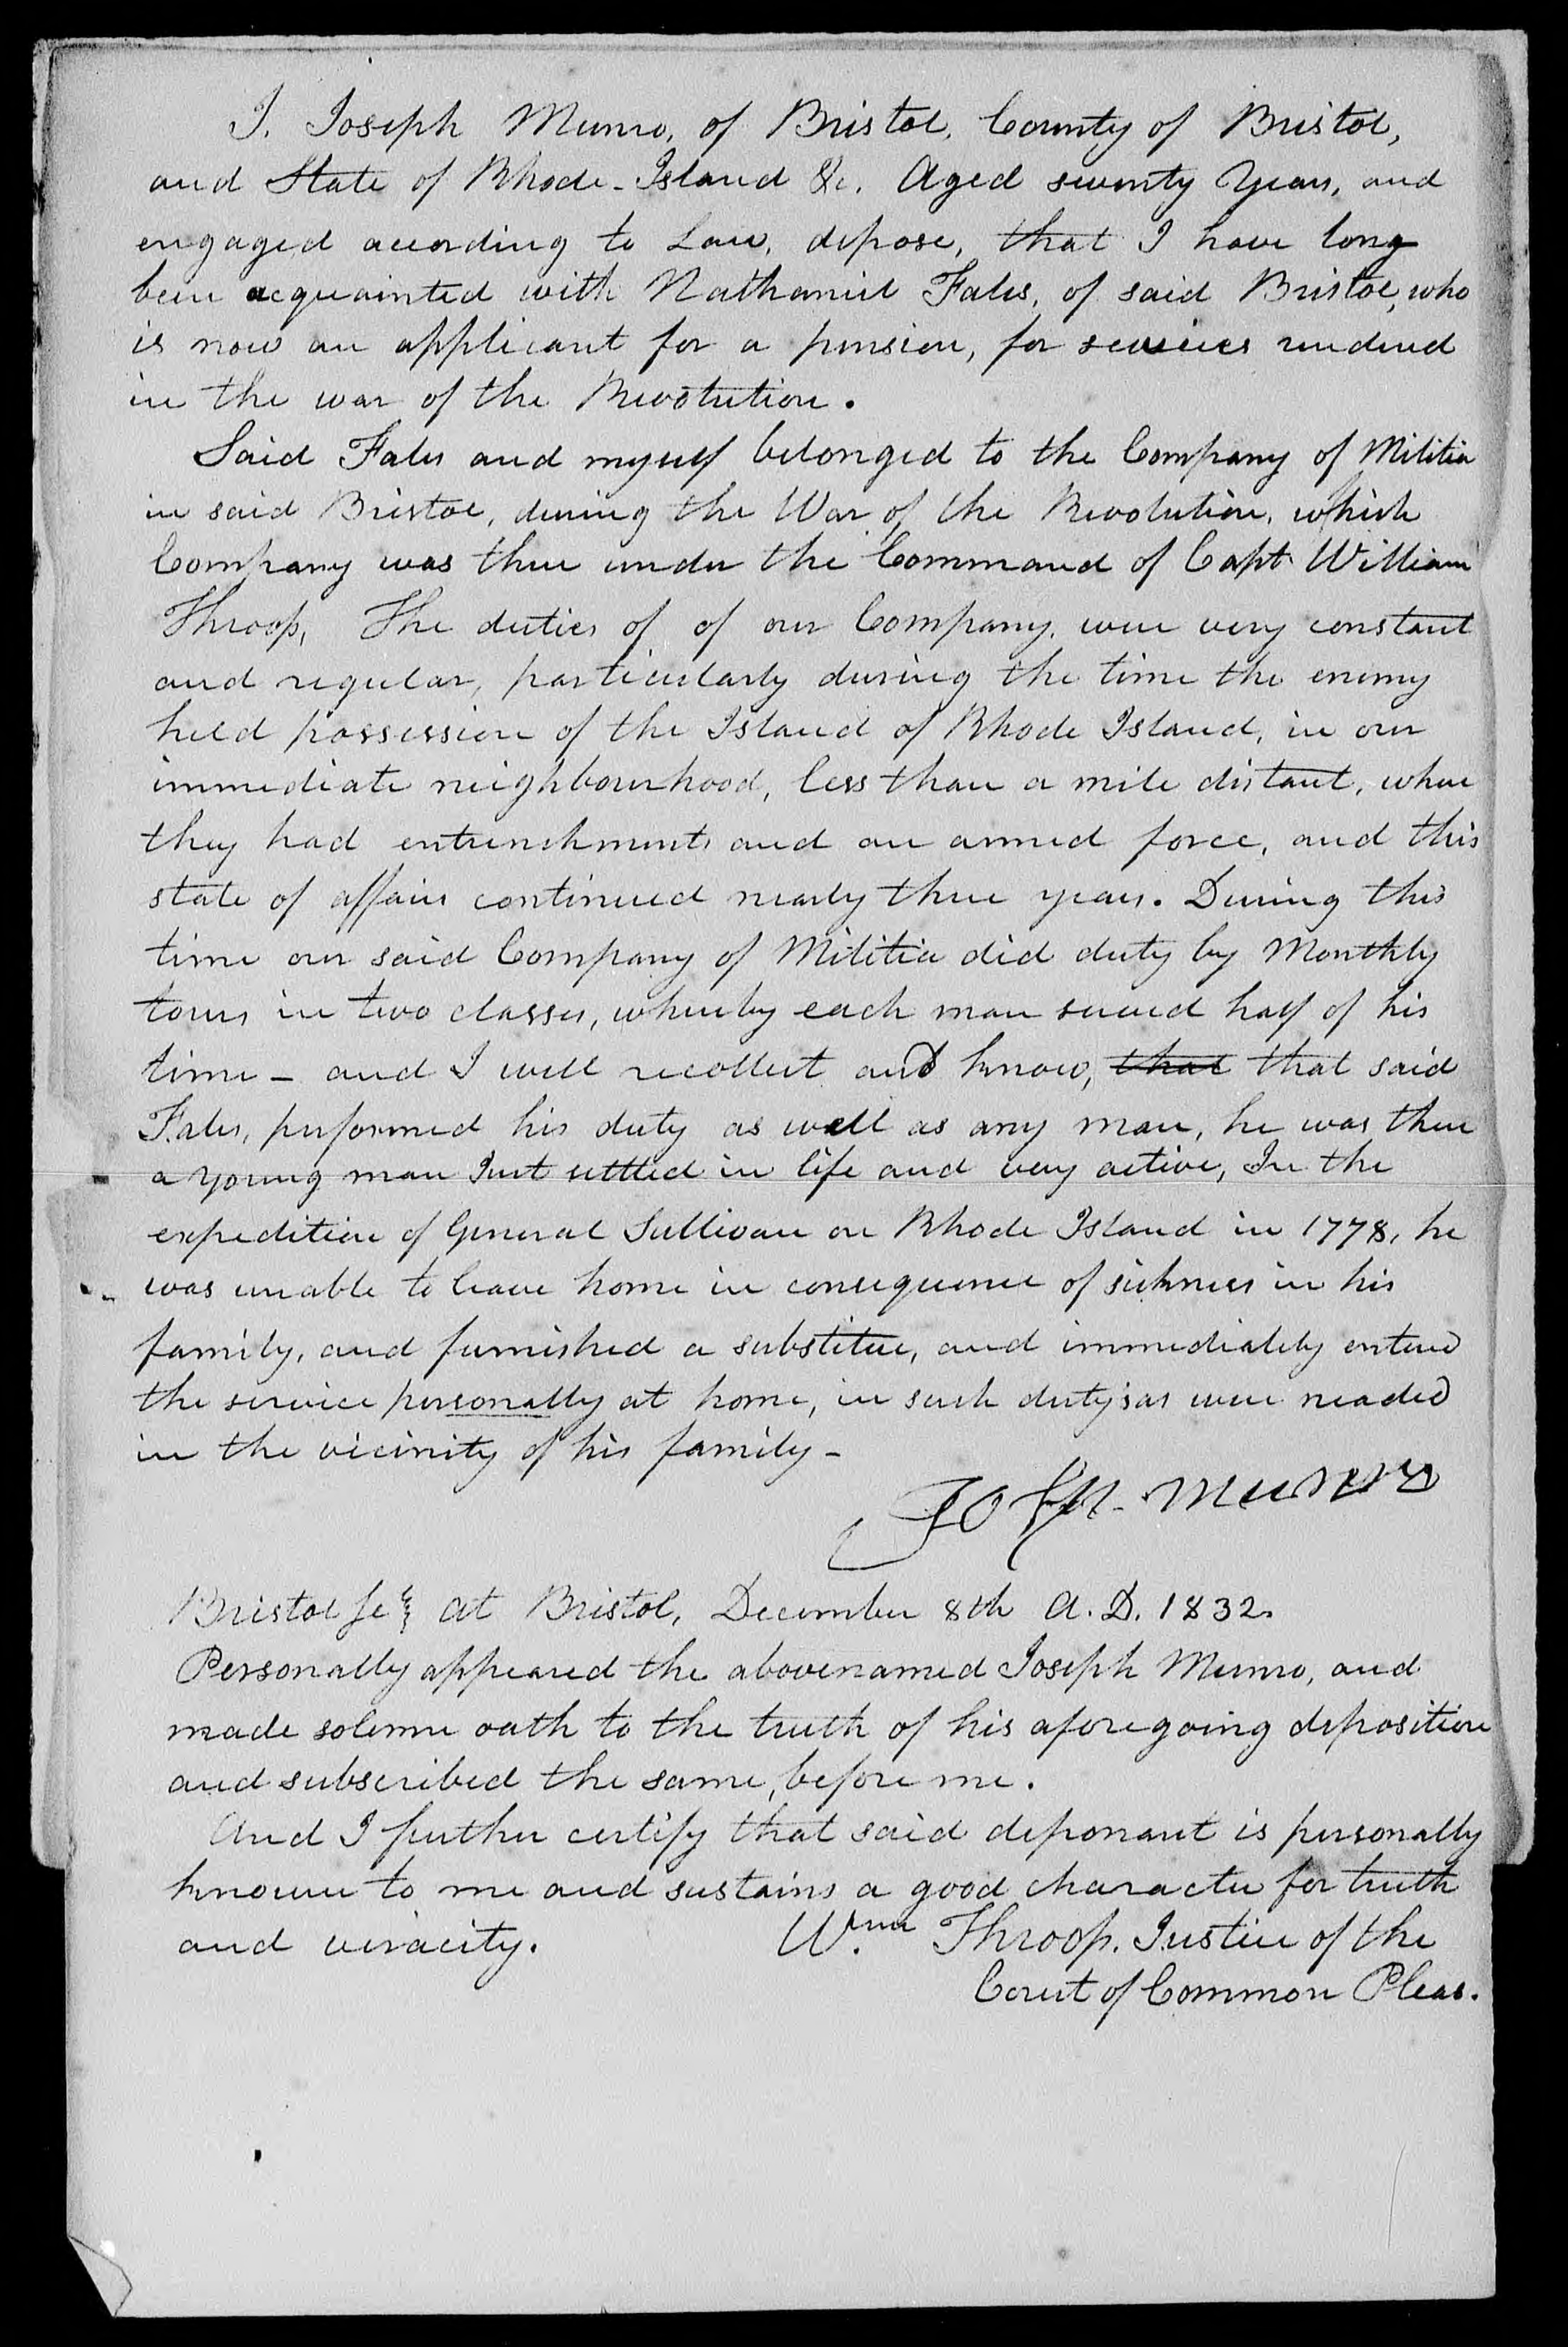I Joseph Munro of Bristol County of Bristol and State of Rhode Island &c. Aged seventy years and engaged according to law depose that I have long been acquainted with Nathaniel Fales, of said Bristol who is now an applicant for a pension for services rendered in the war of the Revolution. 
Said Fales and myself belonged to the company of militia in said Bristol during the war of the Revolution which company was there under the command of Capt. William Throop, the duties of our company were very constant and regular particularly during the time the enemy held possession of the Island of Rhode Island in our immediate neighborhood, less than a mile distant where they had entrustments and an armed force and this state of affairs continued nearly three years. During this time on said company of militia did duty by monthly tours in two classes whereby each man served half of his time and I well recollect and know that said Fales performed his duty as well as any man he was thru a young man just settled in life and very active, in the expedition of General Sullivan on Rhode Island in 1778 he was unable to leave home in consequence of sickness in his family and furnished a substitute and immediately entered the service personally at home in such duty as were needed in the vicinity of his family. 
Joseph Munro

Bristol 
At Bristol December 8th AD 1832.
Personally appeared the above named Joseph Munro and made solemn oath to the truth of his afore going deposition and subscribed the same before me. 
And I further certify that said deponent is personally known to me and sustains a good character for truth and veracity. 
Wm. Throop Justice of the Court of Common Pleas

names: Josp Munro, Joseph Munro, Fales, Joseph Munro, Nathaniel Fales, Wm Throop, Sullian, William Throop, Fales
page: 27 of 32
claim: widow's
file: W. 24,173, Nathaniel Fales, R.I.